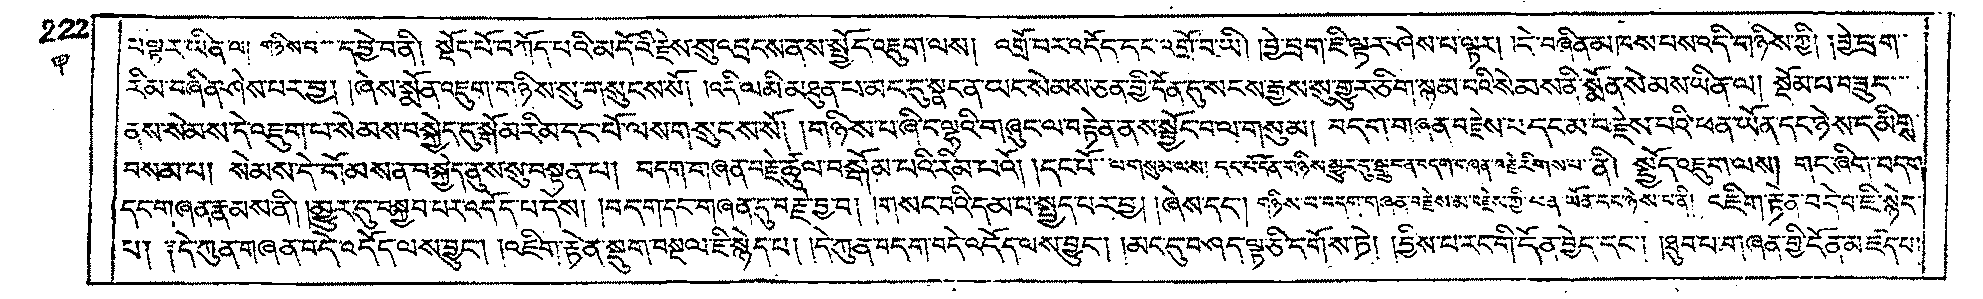པ་ལྟར་ཡིན་ལ། གཉིས་པ་དབྱེ་བ་ནི། སྡོང་པོ་བཀོད་པའི་མདོའི་རྗེས་སུ་འབྲངས་ནས་སྤྱོད་འཇུག་ལས། འགྲོ་བར་འདོད་དང་འགྲོ་བ་ཡི། །བྱེ་བྲག་ཇི་ལྟར་ཤེས་པ་ལྟར། །དེ་བཞིན་མཁས་པས་འདི་གཉིས་ཀྱི། །བྱེ་བྲག་
རིམ་བཞིན་ཤེས་པར་བྱ། །ཞེས་སྨོན་འཇུག་གཉིས་སུ་གསུངས་སོ། །འདི་ལ་མི་མཐུན་པ་མང་དུ་སྣང་ན་ཡང་སེམས་ཅན་གྱི་དོན་དུ་སངས་རྒྱས་སུ་གྱུར་ཅིག་སྙམ་པའི་སེམས་ནི་སྨོན་སེམས་ཡིན་ལ། སྡོམ་པ་བཟུང་
ནས་སེམས་དེ་འཇུག་པ་སེམས་བསྐྱེད་དུ་སྒོམ་རིམ་དང་པོ་ལས་གསུངས་སོ། །གཉིས་པ་ཞི་བ་ལྷའི་གཞུང་ལ་བརྟེན་ནས་སྦྱོང་བ་ལ་གསུམ། བདག་གཞན་བརྗེས་པ་དང་མ་བ་རྗེས་པའི་ཕན་ཡོན་དང་ཉེས་དམིགས་
བསམ་པ། སེམས་དེ་གོམས་ན་བསྐྱེད་ནུས་སུ་བསྟན་པ། བདག་གཞན་བརྗེ་ཚུལ་བསྒོམ་པའི་རིམ་པའོ། །དང་པོལ་གསུམ་ལས། དང་པོ་དོན་གཉིས་མྱུར་དུ་སྒྲུབ་ན་བདག་གཞན་བརྗེ་རིགས་པ་ནི། སྤྱོད་འཇུག་ལས། གང་ཞིག་བདག་
དང་གཞན་རྣམས་ནི། །མྱུར་དུ་བསྐྱབ་པར་འདོད་པ་དེས། །བདག་དང་གཞན་དུ་བརྗེ་བྱ་བ། །གསང་བའི་དམ་པ་སྤྱད་པར་བྱ། །ཞེས་དང་། གཉིས་པ་བདག་གཞན་བ་རྗེས་མ་བ་རྗེས་ཀྱི་ཕན་ཡོན་དང་ཉེས་པ་ནི། འཇིག་རྟེན་བདེ་བ་ཇི་སྙེད་
པ༑ ༑དེ་ཀུན་གཞན་བདེ་འདོད་ལས་བྱུང་། །འཇིག་རྟེན་སྡུག་བསྔལ་ཇི་སྙེད་པ། །དེ་ཀུན་བདག་བདེ་འདོད་ལས་བྱུང་། །མང་དུ་བཤད་ལྟ་ཅི་དགོས་ཏེ། །བྱིས་པ་རང་གི་དོན་བྱེད་དང་། །ཐུབ་པ་གཞན་གྱི་དོན་མཛད་པ།